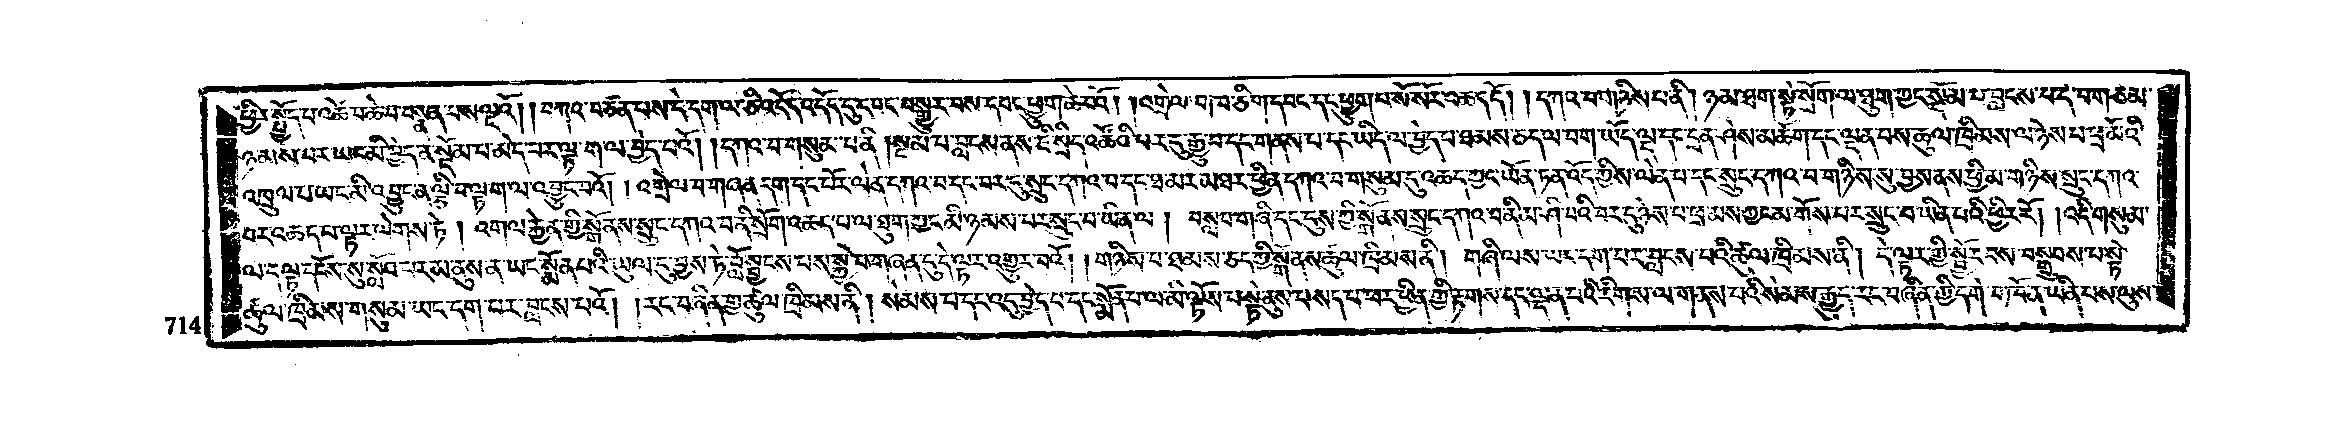ཕྱིར་སྤྱོད་པ་འཚེ་བ་ཆེ་བ་བསྣན་པས་ལྔའོ། །བཀའ་བཙན་པས་དེ་དག་ལ་ཅི་འདོད་འདོད་དུ་དབང་བསྒྱུར་བས་དབང་ཕྱུག་ཆེ་བའོ། །འགྲེལ་བ་ཁ་ཅིག་དབང་དང་ཕྱུག་པ་སོ་སོར་འཆད་དོ། །དཀའ་བ་གཉིས་པ་ནི། ཉམ་ཐག་སྟེ་སྲོག་ལ་ཐུག་ཀྱང་སྡོམ་པ་བླངས་པ་དེ་བག་ཙམ་
ཉམས་པར་ཡང་མི་བྱེད་ན་སྡོམ་པ་མེད་པར་ལྟ་ག་ལ་བྱེད་པའོ། །དཀའ་བ་གསུམ་པ་ནི། སྡོམ་པ་བླངས་ནས་ཇི་སྲིད་འཚོའི་བར་དུ་རྒྱུ་བ་དང་གནས་པ་དང་ཡིད་ལ་བྱེད་པ་ཐམས་ཅད་ལ་བག་ཡོད་ལྡན་དང་དྲན་ཤེས་མཆོག་དང་ལྡན་པས་ཚུལ་ཁྲིམས་ལ་ཉེས་པ་ཕྲ་མོའི་
འཁྲུལ་པ་ཡང་མི་འབྱུང་ན་ལྕི་བ་ལྟ་ག་ལ་འབྱུང་བའོ། །འགྲེལ་བ་གཞན་དག་དང་པོར་ལེན་དཀའ་བ་དང་བར་དུ་སྲུང་དཀའ་བ་དང་ཐ་མར་མཐར་ཕྱིན་དཀའ་བ་གསུམ་དུ་འཆད་ཀྱང་ཡོན་ཏན་འོད་ཀྱིས་ལེན་པ་དང་སྲུང་དཀའ་བ་གཉིས་སུ་བྱས་ནས་ཕྱི་མ་གཉིས་སྲུང་དཀའ་
བར་འཆད་པ་ལྟར་ལེགས་ཏེ། འགལ་རྐྱེན་གྱི་སྒོ་ནས་སྲུང་དཀའ་བ་ནི་སྲོག་འཆད་པ་ལ་ཐུག་ཀྱང་མི་ཉམས་པར་སྲུང་བ་ཡིན་ལ། བསླབ་གཞི་དང་དུས་ཀྱི་སྒོ་ནས་སྲུང་དཀའ་བ་ནི་མ་ཤི་བའི་བར་དུ་ཉེས་པ་ཕྲ་མས་ཀྱང་མ་གོས་པར་སྲུང་བ་ཡིན་པའི་ཕྱིར་རོ། །འདི་གསུམ་
ལ་ད་ལྟ་དངོས་སུ་སློབ་པར་མ་ནུས་ན་ཡང་སྨོན་པའི་ཡུལ་དུ་བྱས་ཏེ་བློ་སྦྱངས་པས་སྐྱེ་བ་གཞན་དུ་དེ་ལྟར་འགྱུར་བའོ། །གཉིས་པ་ཐམས་ཅད་ཀྱི་སྒོ་ནས་ཚུལ་ཁྲིམས་ནི། གཞི་ལས་ཡང་དག་པར་བླངས་པའི་ཚུལ་ཁྲིམས་ནི། དེ་ལྟར་གྱི་སྦྱོར་བས་བསྒྲུབས་པ་སྟེ་
ཚུལ་ཁྲིམས་གསུམ་ཡང་དག་པར་བླངས་པའོ། །རང་བཞིན་གྱི་ཚུལ་ཁྲིམས་ནི། སེམས་པ་དང་འདུ་བྱེད་པ་དང་སྨོན་པ་ལ་མི་ལྟོས་པ་སྟེ་ནུས་པ་སད་པ་ཕར་ཕྱིན་གྱི་རྟགས་དང་ལྡན་པའི་རིགས་ལ་གནས་པའི་སེམས་རྒྱུད་རང་བཞིན་གྱི་དགེ་བ་ཁོ་ན་ཡིན་པས་ལུས་